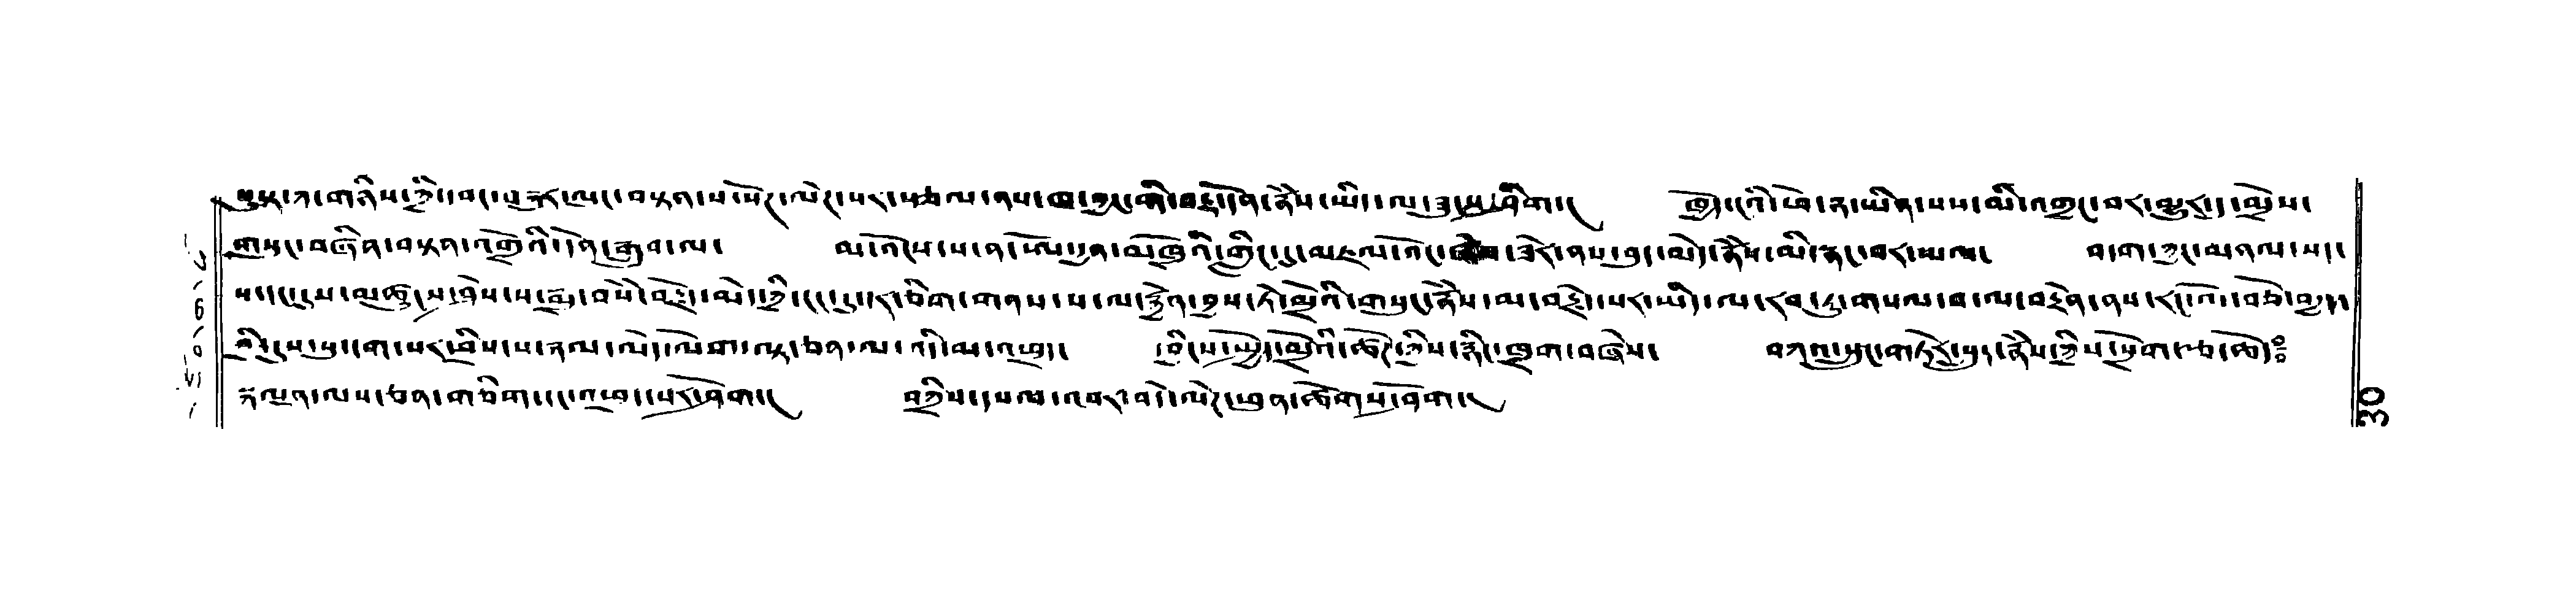པུསྟ་ཀ་གཉིས་ཀྱི་དབང་བསྐུར་ལུང་བསྟན་པ་སོགས་ལེགས་པར་བསྩལ་ནས་ཁ་བྱང་གི་བརྡ་དོན་རྣམས་ཡིད་ལ་ཟུངས་ཤིག ཁྱོད་ངའི་ཕོ་ཉ་ཡིན་པས་མི་འགྱང་བར་མྱུར་དུ་མཁའ་འགྲོའི་
གསུང་བཞིན་བསྟན་འགྲོའི་དོན་སྒྲུབ་ལ། མ་འོངས་པ་ན་ཨོ་རྒྱན་མཁའ་འགྲོའི་གླིང་དུ་མཇལ་འོང་ཞེས་ཟེར་ནས་བུད་མེད་རྣམས་མི་སྣང་བར་ཡལ། བདག་ཀྱང་མནལ་སད་
པ་དང་དུས་མཚུངས་ཤེས་པ་སྨྲ་བསམ་བརྗོད་མེད་ཀྱི་ངང་དུ་དར་ཅིག་གནས་པ་ལ་རྐྱེན་བྱས་ཏེ་མཁའ་འགྲོའི་གསུང་རྣམས་མ་བརྗེད་པར་ཡིད་ལ་རབ་ཏུ་གསལ་བ་ལ་བརྟེན་ནས་རང་ལོ་བཅོ་བརྒྱད་
ཀྱི་དུས་སུ་དག་པར་བྲིས་པ་སྐལ་མེད་ལོག་ལྟ་ཅན་ལ་འདི་མ་འཕྲད། དབྱིངས་སྤྱོད་མཁའ་འགྲོའི་ཚོགས་ཀྱིས་སྙིང་ཁྲག་བཞེས། བཀའ་སྲུང་གཏེར་སྲུང་རྣམས་ཀྱིས་སྲོག་རྩ་ཆོད། 
སྐལ་ལྡན་ལས་ཅན་གཅིག་དང་འཕྲད་པར་ཤོག བཀྲ་ཤིས་དཔལ་འབར་བདེ་ལེགས་ཕུན་ཚོགས་ཤོག། བཀྲ་ཤིས།།